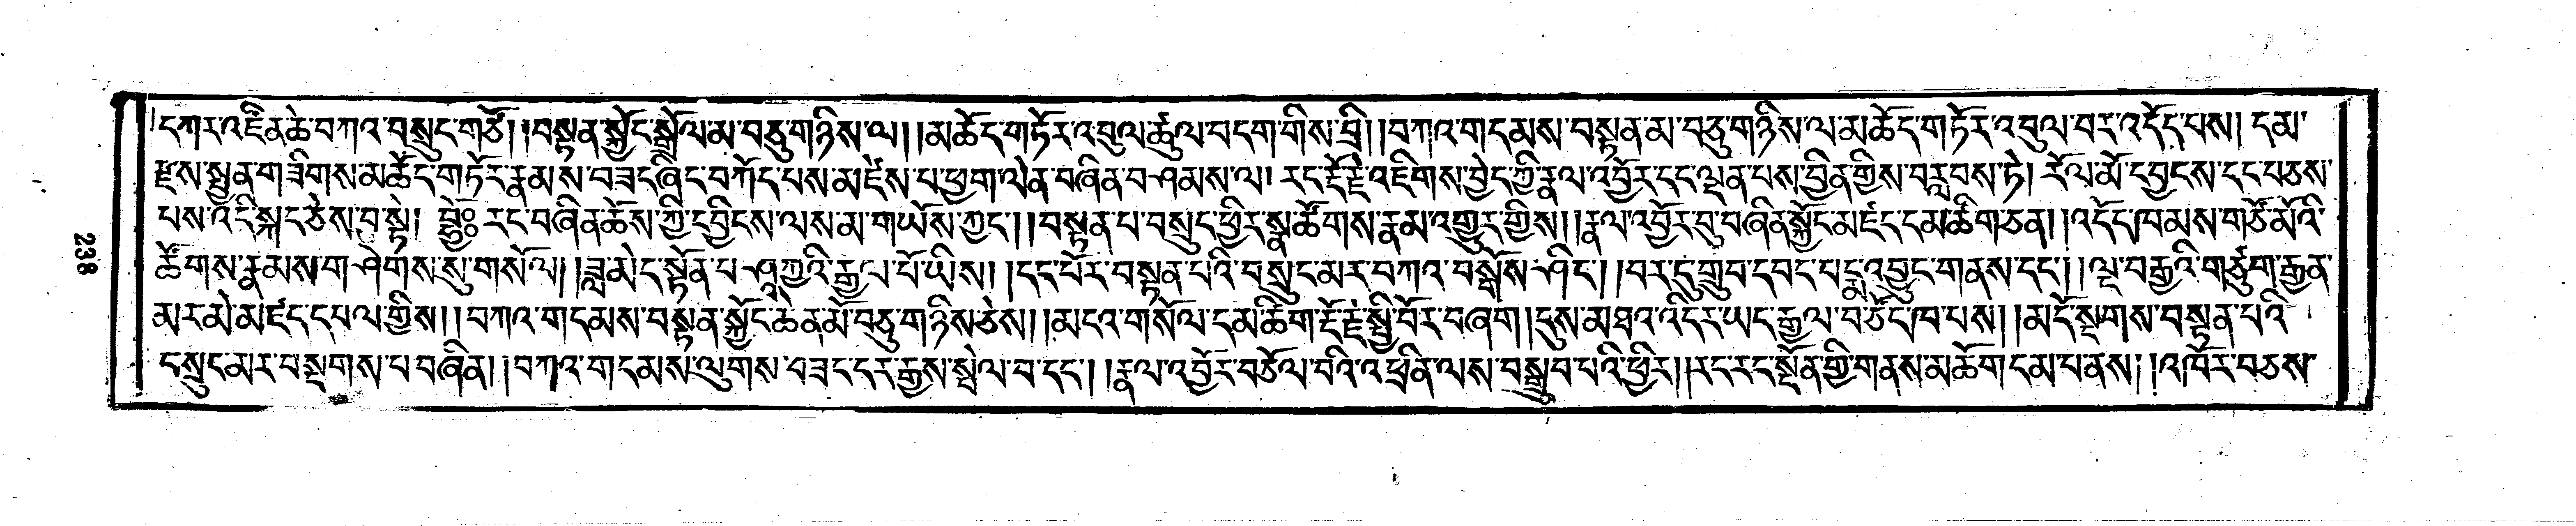དཀར་འཛིན་ཆེ་བཀའ་བསྲུང་གཙོ། །བསྟན་སྐྱོང་སྒྲོལ་མ་བཅུ་གཉིས་ལ། །མཆོད་གཏོར་འབུལ་ཚུལ་བདག་གིས་བྲི། །བཀའ་གདམས་བསྟན་མ་བཅུ་གཉིས་ལ་མཆོད་གཏོར་འབུལ་བར་འདོད་པས། དམ་
རྫས་སྤྱན་གཟིགས་མཆོད་གཏོར་རྣམས་བཟང་ཞིང་བཀོད་པས་མཛེས་པ་ཕྱག་ལེན་བཞིན་བཤམས་ལ། རང་རྡོ་རྗེ་འཇིགས་བྱེད་ཀྱི་རྣལ་འབྱོར་དང་ལྡན་པས་བྱིན་གྱིས་བརླབས་ཏེ། རོལ་མོ་དབྱངས་དང་བཅས་
པས་འདི་སྐད་ཅེས་བྱ་སྟེ། བྷྱོཿ རང་བཞིན་ཆོས་ཀྱི་དབྱིངས་ལས་མ་གཡོས་ཀྱང་། །བསྟན་པ་བསྲུང་ཕྱིར་སྣ་ཚོགས་རྣམ་འགྱུར་གྱིས། །རྣལ་འབྱོར་བུ་བཞིན་སྐྱོང་མཛད་དམ་ཚིག་ཅན། །འདོད་ཁམས་གཙོ་མོའི་
ཚོགས་རྣམས་གཤེགས་སུ་གསོལ། །བླ་མེད་སྟོན་པ་ཤཱཀྱའི་རྒྱལ་པོ་ཡིས། །དང་པོར་བསྟན་པའི་བསྲུང་མར་བཀའ་བསྒོས་ཤིང་། །བར་དུ་གྲུབ་དབང་པདམ་འབྱུང་གནས་དང་། །ལྔ་བརྒྱའི་གཙུག་རྒྱན་
མར་མེ་མཛད་དཔལ་གྱིས། །བཀའ་གདམས་བསྟན་སྐྱོང་ཆེན་མོ་བཅུ་གཉིས་ཅེས། །མངའ་གསོལ་དམ་ཚིག་རྡོ་རྗེ་སྤྱི་བོར་བཞག །དུས་མཐའ་འདིར་ཡང་རྒྱལ་བ་ཙོང་ཁ་པས། །མདོ་སྔགས་བསྟན་པའི་
བསྲུང་མར་བསྔགས་པ་བཞིན། །བཀའ་གདམས་ལུགས་བཟང་དར་རྒྱས་སྤེལ་བ་དང་། །རྣལ་འབྱོར་བཅོལ་བའི་འཕྲིན་ལས་བསྒྲུབ་པའི་ཕྱིར། །རང་རང་སྔོན་གྱི་གནས་མཆོག་དམ་པ་ནས། །འཁོར་བཅས་